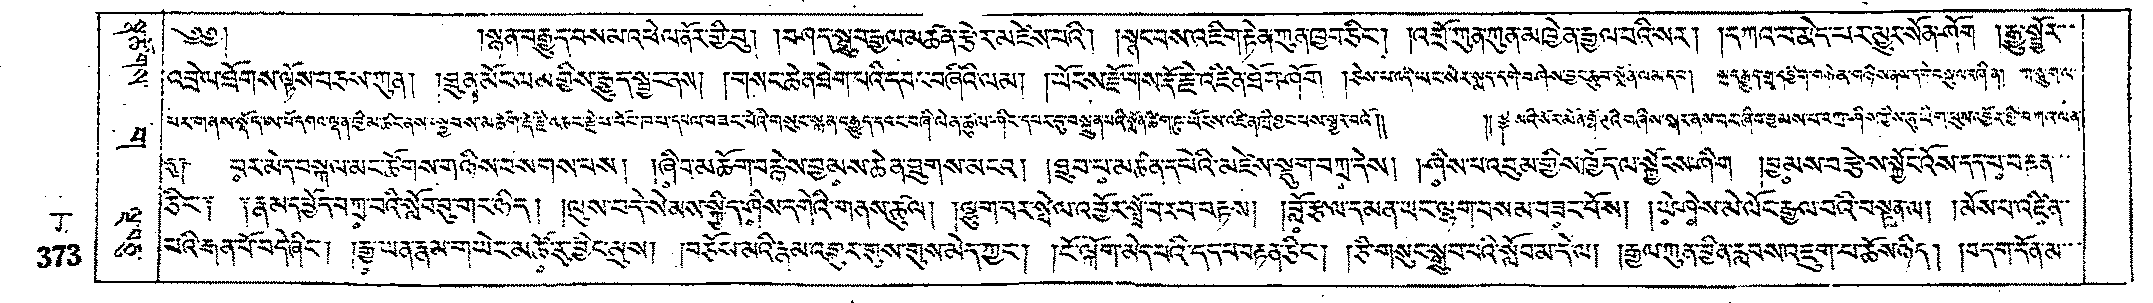༄༅། །སྙན་བརྒྱུད་བསམ་འཕེལ་ནོར་གྱི་བུ། །བཤད་སྒྲུབ་རྒྱལ་མཚན་རྩེར་མཛེས་པའི། །སྣང་བས་འཇིག་རྟེན་ཀུན་ཁྱབ་ཅིང་། །འགྲོ་ཀུན་ཀུན་མཁྱེན་རྒྱལ་བའི་སར། །དཀའ་བ་མེད་པར་མྱུར་སོན་ཤོག །རྒྱུ་སྦྱོར་་་
འབྲེལ་ཐོགས་ལྟོས་བཅས་ཀུན། །ཐུན་མོང་ལམ་གྱིས་རྒྱུད་སྦྱང་ནས། །གསང་ཆེན་ཐེག་པའི་དབང་བཞིའི་ལམ། །ཡོངས་རྫོགས་རྡོ་རྗེ་འཛིན་ཐོབ་ཤོག །ཅེས་པ་འདི་ཡང་སེར་སྨད་དགེ་བཤེས་བྱང་ཆུབ་སྨོན་ལམ་དང་། སྲད་རྒྱུད་གྲྭ་དབྱིག་གཉེན་གཉིས་ནས་དགེ་བསྐུལ་བཞིན། ཀ་སྦུག་ལ་
པར་གནས་སྡོད་ཨ་ཕོ་དགའ་ལྡན་ཁྱིམ་ཚང་ནས ༧སྐྱབས་མཆོག་རྡོ་རྗེ་འཆང་རྗེ་ཕ་བོང་ཁ་པ་དཔལ་བཟང་པོའི་གསུང་སྙན་བརྒྱུད་དབང་བཞི་ལེན་ཚུལ་ཤིང་དཔར་དུ་བསྐྲུན་པའི་སྨོན་ཚིག་ཏུ་ཡོངས་འཛིན་ཁྲི་བྱང་པས་སྦྱར་བའོ།། །། འ་མའི་སོར་མོན་གྷོ་ཊའི་གཞིས་སྒར་ནས་བར་ཞི་བ་བྱམས་པ་བཀྲ་ཤིས་ཀྱིས་ཞུ་ཡིག་ཕུལ་འབྱོར་གྱི་བཀའ་ལན་
དུ༑ བར྾་མེད་བསྐལ་མང་ཚོགས་གཉིས་བསགས་པས། །ཞི྾་བ་མཆོག་བརྙེས་བྱམས྾་ཆེན་ཐུགས་མངའ། །ཐུབ་པ྾་མཚན་དཔེའི་མཛེས་སྡུག་བཀྲ྾་དེས། །ཤིས྾་པ་འབུམ་གྱིས་ཁྱོད་ལ་སྐྱོངས་ཤིག །བྱམས྾་བརྩེས་སྐྱོང་འོས་དད་པ྾་བརྟན་་་
ཅིང༑ ༑རྣམ་དཔྱོད་བཀྲ྾་བའི་སློབ་བུ་གང་ཉིད། །ལུས་བདེ་སེམས་སྐྱིད་ཤིས྾་དགེའི་གནས་ཚུལ། །ལྷུག་པར་སྤེལ་འབྱོར་སྤྲོ་བ་རབ་བརྟས། །བློ྾་རྩལ་ལཾ་དམན་ཡང་ལྷག་བསམ་བཟང྾་པོས། །ཡེ྾་ཤེས྾་མེ་ལོང་རྒྱལ་བའི་བསྟན྾་ལ། །མོས་པ་འཛིན྾་་་
པའི་རྒན་པོ་བདེ་ཞིང་། །རྒྱ྾་ཡན་རྣམ་གཡེང་མཚོ྾་རུ་བྱིང་མུས། །བཅོས་མའི་རྣམ་འགྱུར་གུས་གུས་མེད་ཀྱང་། །ངོ་ལྐོག་མེད་པའི་དད་པ་བརྟན་ཅིང་། །ཅི་གསུང་སྒྲུབ་པའི་སློབ་མ་དེ་ལ། །རྒྱལ་ཀུན་བྱིན་རླབས་འཇུག་པ་ཆོས་ཉིད། །བདག་དོན་མ་་་